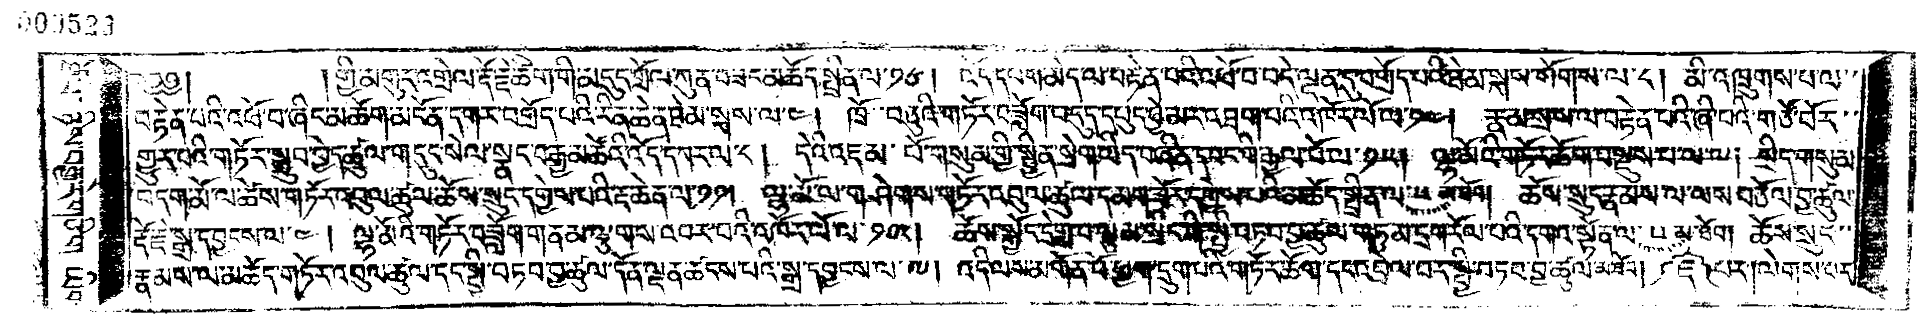༄༅། །གྱི་མགུར་འགྲེལ་རྡོ་རྗེ་ཚིག་གི་མདུད་གྲོལ་ཀུན་བཟང་མཆོད་སྤྲིན་ལ ༡༦། འོད་དཔག་མེད་ལ་བརྟེན་པའི་འཕོ་བ་བདེ་ལྡན་དུ་བགྲོད་པའི་ཐེམ་སྐས་སོགས་ལ ༨། མི་འཁྲུགས་པ་ལ་
བརྟེན་པའི་འཕོ་བ་ཞིང་མཆོག་མངོན་དགར་བགྲོད་པའི་རིན་ཆེན་ཐེམ་སྐས་ལ ༤། ཁྲོ་བཅུའི་གཏོར་བཟློག་བདུད་དཔུང་ཕྱེ་མར་འཐག་པའི་འཁོར་ལོ་ལ ༡༤། རྣམ་སྲས་ལ་བརྟེན་པའི་ཞི་པའི་གཙོ་བོར་
གྱུར་པའི་གཏོར་སྒྲུབ་བྱེད་ཚུལ་གདུང་སེལ་སྣང་བ་རྒྱ་མཚོའི་འོད་དཀར་ལ ༨། དེའི་འཇམ་པོ་གསུམ་གྱི་སྦྱིན་སྲེག་ཡིད་བཞིན་དབང་གི་རྒྱལ་པོ་ལ ༡༥། ལྷ་མོའི་གཏོར་ཆོག་བསྡུས་པ་ལ ༧། སྲིད་གསུམ་
བདག་མོ་ལ་ཚེས་གཏོར་འབུལ་ཚུལ་ཆོས་སྲུང་དགྱེས་པའི་རྔ་ཆེན་ལ ༡༡། ལྷ་མོ་ལ་གཤེགས་གཏོར་འབུལ་ཚུལ་དམག་ཟོར་དགྱེས་པའི་མཆོད་སྤྲིན་ལ་མ་ཐོབ།  ༥་ཆོས་སྲུང་རྣམས་ལ་ལས་བཅོལ་བྱ་ཚུལ་
རྡོ་རྗེ་སྒྲ་དབྱངས་ལ ༤། ལྷ་མོའི་གཏོར་བཟློག་གནམ་ལྕགས་འབར་བའི་འཁོར་ལོ་ལ ༡༣། ཆོས་སྐྱོང་དྲེགས་པ་ལྕམ་སྲིང་གི་སྤྱི་བཏབ་བྱ་ཚུལ་གཏུམ་དྲག་རོལ་པའི་དགའ་སྟོན་ལ་མ་ཐོབ།  ༥་ཆོས་སྲུང་
རྣམས་ལ་མཆོད་གཏོར་འབུལ་ཚུལ་དང་སྤྱི་བཏབ་བྱ་ཚུལ་དོན་ལྡན་ཚངས་པའི་སྒྲ་དབྱངས་ལ ༧། འདི་ལས་མགོན་པོ་ཕྱག་དྲུག་པའི་གཏོར་ཆོག་དང་འབྲེལ་བར་སྤྱི་བཏབ་བྱ་ཚུལ་མ་ཐོབ།  ༼ཇ༽ པར་།ལེགས་པར་